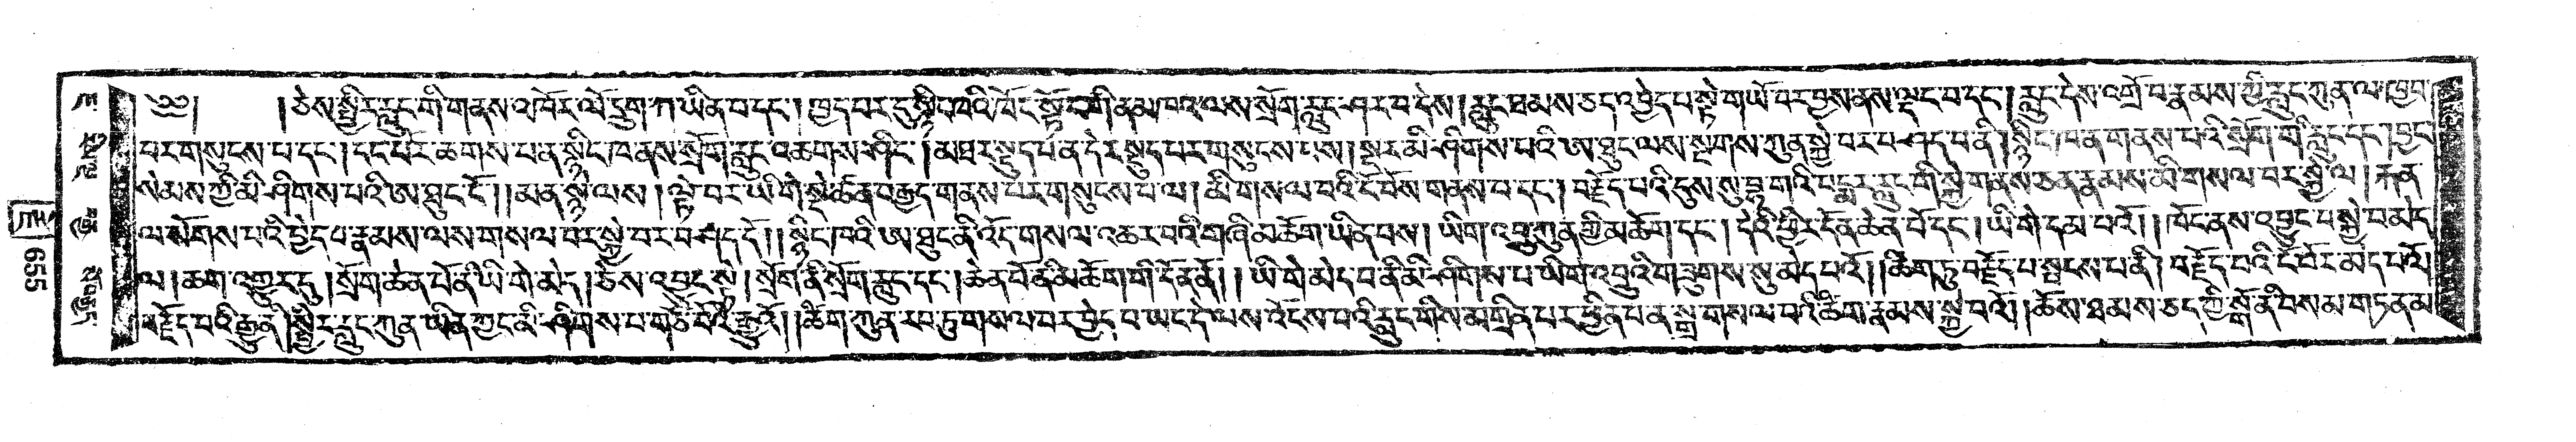༄༅། །ཅེས་སྤྱིར་རླུང་གི་གནས་འཁོར་ལོ་དྲུག་ཀ་ཡིན་པ་དང་། ཁྱད་པར་དུ་སྙིང་གི་ནམ་མཁའ་ལས་སྲོག་རླུང་ཤར་བ་དེས། རླུང་ཐམས་ཅད་འབྱེད་པ་སྟེ་གཡོ་བར་བྱས་ནས་ལྡང་བ་དང་། རླུང་དེས་འགྲོ་བ་རྣམས་ཀྱི་རླུང་ཀུན་ལ་ཁྱབ་
པར་གསུངས་པ་དང་། དང་པོར་ཆགས་པ་ན་སྙིང་ཁ་ནས་སྲོག་རླུང་འཆགས་ཤིང་། མཐར་སྡུད་པ་ན་དེར་སྡུད་པར་གསུངས་པས། སྔར་མི་ཤིགས་པའི་ཨ་ཐུང་ལས་སྔགས་ཀུན་སྐྱེ་བར་བཤད་པ་ནི། སྙིང་ཁ་ན་གནས་པའི་སྲོག་གི་རླུང་དང་། བྱང་
སེམས་ཀྱི་མི་ཤིགས་པའི་ཨ་ཐུང་ངོ། །མན་སྙེ་ལས། ལྟེ་བར་ཡི་གེ་སྡེ་ཚན་བརྒྱད་གནས་པར་གསུངས་པ་ལ། མི་གསལ་བའི་ངོ་བོས་གནས་པ་དང་། བརྗོད་པའི་དུས་སུ་བྷ་གའི་པདམར་རླུང་གི་སྐྱེ་གནས་ཅན་རྣམས་མི་གསལ་བར་སྐྱེ་ལ། རྐན་
ལ་སོགས་པའི་བྱེད་པ་རྣམས་ལས་གསལ་བར་སྐྱེ་བར་བཤད་དོ། །སྙིང་ཁའི་ཨ་ཐུང་ནི་འོད་གསལ་འཆར་བའི་གཞི་མཆོག་ཡིན་པས། ཡིག་འབྲུ་ཀུན་གྱི་མཆོག་དང་། དེའི་ཕྱིར་དོན་ཆེན་པོ་དང་། ཡི་གེ་དམ་པའོ། །ཁོང་ནས་འབྱུང་བ་སྐྱེ་བ་མེད་
ལ། ཆག་འགྱུར་དུ། སྲོག་ཆེན་པོ་ནི་ཡི་གེ་མེད། ཅེས་འབྱུང་སྟེ། སྲོག་ནི་སྲོག་རླུང་དང་། ཆེན་པོ་ནི་མཆོག་གི་དོན་ནོ། །ཡི་གེ་མེད་པ་ནི་མི་ཤིགས་པ་ཡིག་འབྲུའི་གཟུགས་སུ་མེད་པའོ། །ཚིག་ཏུ་བརྗོད་པ་སྤངས་པ་ནི། བརྗོད་པའི་ངོ་བོར་མེད་པའོ།
བརྗོད་པའི་རྒྱུ་ནི། སྤྱིར་རླུང་ཀུན་ཡིན་ཀྱང་མི་ཤིགས་པ་གཙོ་བོའི་རྒྱུའོ། །ཚིག་ཀུན་རབ་ཏུ་གསལ་བར་བྱེད་པ་ཡང་དེ་ལས་འོངས་པའི་རླུང་གིས་མགྲིན་པར་ཕྱིན་པ་ན་སྒྲ་གསལ་བའི་ཚིག་རྣམས་སྐྱེ་བའོ། །ཆོས་ཐམས་ཅད་ཀྱི་སྒོ་ནི་བསམ་གཏན་མ་